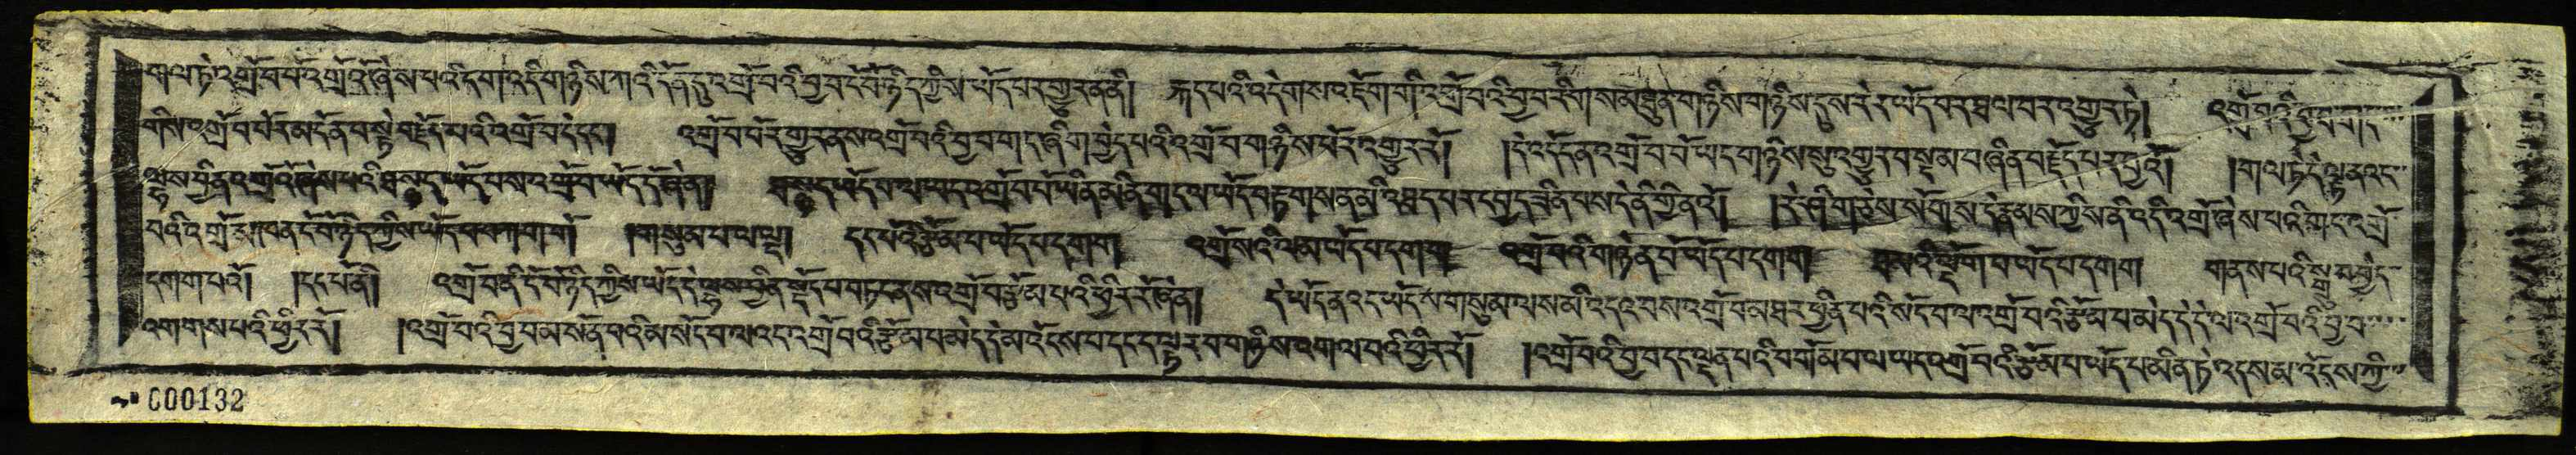གལ་ཏེ་འགྲོ་བ་པོ་འགྲོའོ་ཞེས་པའི་དག་འདི་གཉིས་ཀའི་དོན་དུ་འགྲོ་བའི་བྱ་བ་ངོ་བོ་ཉིད་ཀྱིས་ཡོད་པར་གྱུར་ན་ནི། རྐང་པའི་འདེགས་འཇོག་གི་འགྲོ་བའི་བྱ་བ་རིགས་མཐུན་གཉིས་གཉིས་དུས་རེར་ཡོད་པར་ཐལ་བར་འགྱུར་ཏེ། འགྲོ་བའི་བྱ་བ་གང་
གིས་འགྲོ་བ་པོར་མངོན་བ་སྟེ་བརྗོད་པའི་འགྲོ་བ་དེ་དང་། འགྲོ་བ་པོར་གྱུར་ནས་འགྲོ་བའི་བྱ་བ་གང་ཞིག་བྱེད་པའི་འགྲོ་བ་གཉིས་པོར་འགྱུར་རོ། །དེ་འདོད་ན་འགྲོ་བ་པོ་ཡང་གཉིས་སུ་འགྱུར་བ་སྔ་མ་བཞིན་བརྗོད་པར་བྱའོ། །གལ་ཏེ་དེ་ལྟ་ནའང་
ལྷས་བྱིན་འགྲོའོ་ཞེས་པའི་ཐ་སྙད་ཡོད་པས་འགྲོ་བ་འོད་དོ་ཞེ་ན། ཐ་སྙད་ཡོད་པ་ལ་ཡང་འགྲོ་བ་པོ་ཡིན་མིན་གང་ལ་ཡོད་བརྟགས་ན་མི་འཐད་པར་དཔྱད་ཟིན་པས་དེ་ནི་གྱི་ནའོ། །རེ་ཤིག་ཅེས་སོགས་དེ་རྣམས་ཀྱིས་ནི་འདི་འགྲོ་ཞེས་པའི་གང་འགྲོ་
བའི་འགྲོ་མཁན་ངོ་བོ་ཉིད་ཀྱིས་ཡོད་པ་བཀག་གོ །གསུམ་པ་ལ་ལྔ། དང་པོའི་རྩོམ་པ་ཡོད་པ་དག་འགྲོ་སའི་ལམ་ཡོད་པ་དགག་འགྲོ་བའི་གཉེན་པོ་ཡོད་པ་དགག་ཐ་མའི་ལྡོག་པ་ཡོད་པ་དགག་གནས་པའི་སྒྲུབ་བྱེད་
དགག་པའོ། །དང་པོ་ནི། འགྲོ་བ་ནི་ངོ་བོ་ཉིད་ཀྱིས་ཡོད་དེ་ལྷས་བྱིན་སྡོད་པ་བཏང་ནས་འགྲོ་བརྩོམ་པའི་ཕྱིར་རོ་ཞེ་ན། དེ་ཡོད་ནའང་ཡོངས་གསུམ་ལས་མི་འདའ་བས་འགྲོ་བ་མཐར་ཕྱིན་པའི་སོང་བ་ལ་འགྲོ་བའི་རྩོམ་པ་མེད་དེ་དེ་ལ་འགྲོ་བའི་བྱ་བ་
འགགས་པའི་ཕྱིར་རོ། །འགྲོ་བའི་བྱ་བ་མ་སོན་པའི་མ་སོང་བ་ལའང་འགྲོ་བའི་རྩོམ་པ་མེད་དེ་མ་འོངས་པ་དང་ད་ལྟར་བ་གཉིས་འགལ་བའི་ཕྱིར་རོ། །འགྲོ་བའི་བྱ་བ་དང་ལྡན་པའི་འགོམ་པ་ལ་ཡང་འགྲོ་བའི་རྩོམ་པ་ཡོད་པ་མིན་ཏེ་འདས་མ་འོངས་ཀྱི་